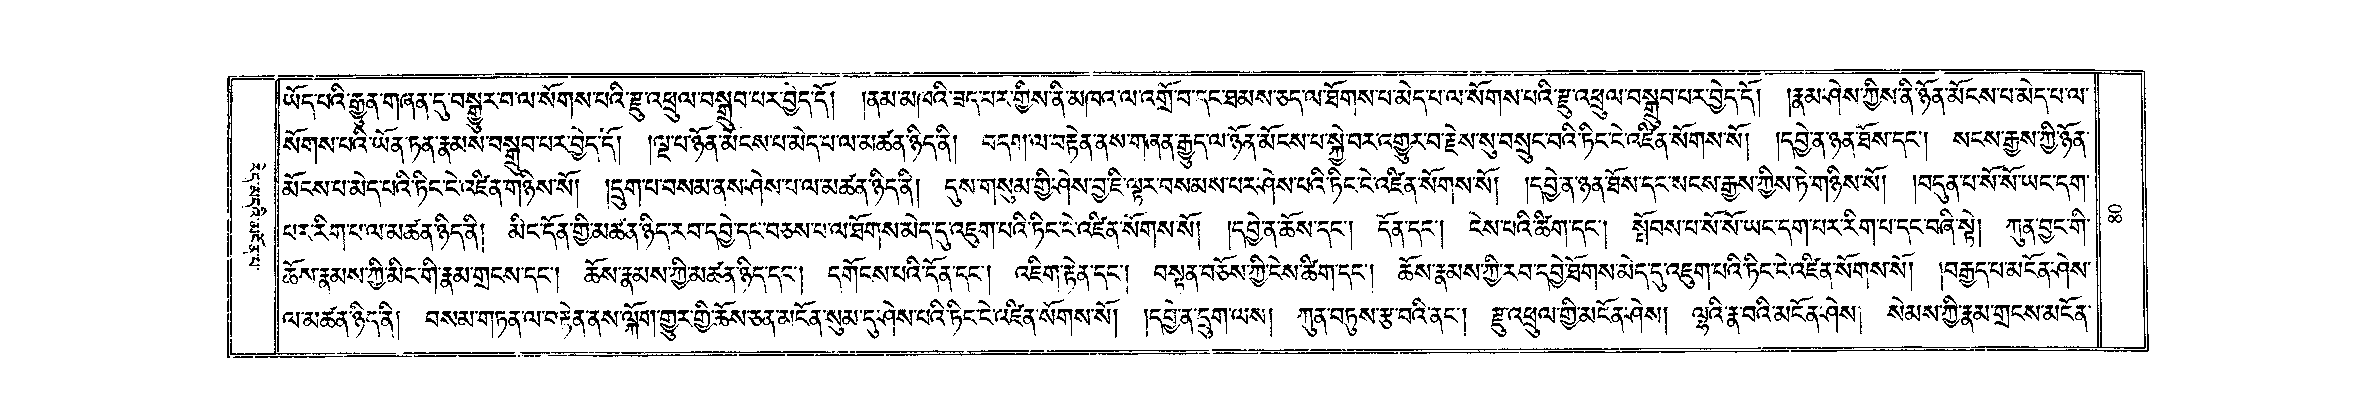ཡོད་པའི་རྒྱུན་གཞན་དུ་བསྒྱུར་བ་ལ་སོགས་པའི་རྫུ་འཕྲུལ་བསྒྲུབ་པར་བྱེད་དོ། །ནམ་མཁའི་ཟད་པར་གྱིས་ནི་མཁའ་ལ་འགྲོ་བ་དང་ཐམས་ཅད་ལ་ཐོགས་པ་མེད་པ་ལ་སོགས་པའི་རྫུ་འཕྲུལ་བསྒྲུབ་པར་བྱེད་དོ། །རྣམ་ཤེས་ཀྱིས་ནི་ཉོན་མོངས་པ་མེད་པ་ལ་
སོགས་པའི་ཡོན་ཏན་རྣམས་བསྒྲུབ་པར་བྱེད་དོ། །ལྔ་པ་ཉོན་མོངས་པ་མེད་པ་ལ་མཚན་ཉིད་ནི། བདག་ལ་བརྟེན་ནས་གཞན་རྒྱུད་ལ་ཉོན་མོངས་པ་སྐྱེ་བར་འགྱུར་བ་རྗེས་སུ་བསྲུང་བའི་ཏིང་ངེ་འཛིན་སོགས་སོ། །དབྱེ་ན་ཉན་ཐོས་དང་། སངས་རྒྱས་ཀྱི་ཉོན་
མོངས་པ་མེད་པའི་ཏིང་ངེ་འཛིན་གཉིས་སོ། །དྲུག་པ་བསམ་ནས་ཤེས་པ་ལ་མཚན་ཉིད་ནི། དུས་གསུམ་གྱི་ཤེས་བྱ་ཇི་ལྟར་བསམས་པར་ཤེས་པའི་ཏིང་ངེ་འཛིན་སོགས་སོ། །དབྱེ་ན་ཉན་ཐོས་དང་སངས་རྒྱས་ཀྱིས་ཏེ་གཉིས་སོ། །བདུན་པ་སོ་སོ་ཡང་དག་
པར་རིག་པ་ལ་མཚན་ཉིད་ནི། མིང་དོན་གྱི་མཚན་ཉིད་རབ་དབྱེ་དང་བཅས་པ་ལ་ཐོགས་མེད་དུ་འཇུག་པའི་ཏིང་ངེ་འཛིན་སོགས་སོ། །དབྱེ་ན་ཆོས་དང་། དོན་དང་། ངེས་པའི་ཚིག་དང་། སྤོབས་པ་སོ་སོ་ཡང་དག་པར་རིག་པ་དང་བཞི་སྟེ། ཀུན་བྱང་གི་
ཆོས་རྣམས་ཀྱི་མིང་གི་རྣམ་གྲངས་དང་། ཆོས་རྣམས་ཀྱི་མཚན་ཉིད་དང་། དགོངས་པའི་དོན་དང་། འཇིག་རྟེན་དང་། བསྟན་བཅོས་ཀྱི་ངེས་ཚིག་དང་། ཆོས་རྣམས་ཀྱི་རབ་དབྱེ་ཐོགས་མེད་དུ་འཇུག་པའི་ཏིང་ངེ་འཛིན་སོགས་སོ། །བརྒྱད་པ་མངོན་ཤེས་
ལ་མཚན་ཉིད་ནི། བསམ་གཏན་ལ་བརྟེན་ནས་ལྐོག་གྱུར་གྱི་ཆོས་ཅན་མངོན་སུམ་དུ་ཤེས་པའི་ཏིང་ངེ་འཛིན་སོགས་སོ། །དབྱེ་ན་དྲུག་ལས། ཀུན་བཏུས་རྩ་བའི་ནང་། རྫུ་འཕྲུལ་གྱི་མངོན་ཤེས། ལྷའི་རྣ་བའི་མངོན་ཤེས། སེམས་ཀྱི་རྣམ་གྲངས་མངོན་